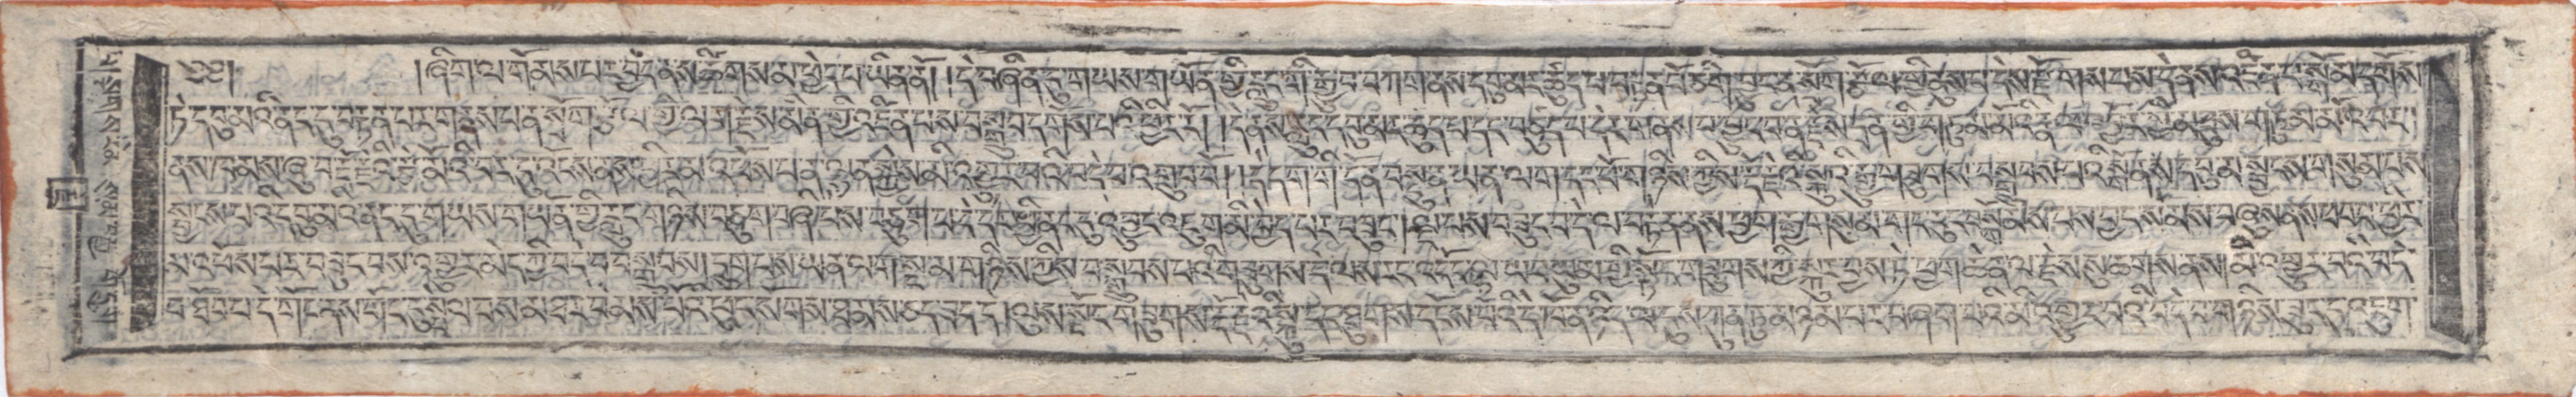༄༅། །ཞིག་ལ་གོམས་པར་བྱེད་ནས་ཚིགས་མ་ཕྱེད་པ་ཡིན་ནོ། །དེ་བཞིན་དུ་གཡས་གཡོན་གྱི་རླུང་གི་རྒྱུ་བ་བཀག་ནས་དབུ་མར་ཚུད་པ་བརྟན་པོ་ཅིག་བྱུང་ན་སྲོག་རྩོལ་གྱི་ནུས་པ་དེས་རྫོགས་པས་དེ་ནས་འཛིན་པ་སྒོམ་དགོས་
ཏེ་དབུ་མའི་ནང་དུ་བརྟན་པར་གནས་པ་ན་སྲོག་རྩོལ་གྱི་ལག་རྗེས་མིན་གྱི་འཛིན་པས་བསྒྲུབ་དགོས་པའི་ཕྱིར་རོ། །དེ་ནས་རླུང་དབུ་མར་ཚུད་པ་དང་བཙུད་པ་དེར་གནས་པ་བྱུང་བ་ན་རྗེས་དྲན་གྱི་གཏུམ་མོའི་རྣལ་འབྱོར་གྱི་མཐུས་གཏུམ་མོ་འབར།
ནས་ཁམས་ཞུ་བ་རྡོ་རྗེའི་རྩེ་མོའི་བར་དུ་འོངས་ནས་ཕྱིར་མ་འཕོས་པ་ན་ལྷན་སྐྱེས་མི་འགྱུར་བའི་བདེ་བ་འགྲུབ་བོ། །དེ་དག་གི་དོན་བསྡུ་ན་ཡན་ལག་དང་པོ་གཉིས་ཀྱིས་རྡོ་རྗེའི་སྐུའི་རྒྱུ་གཟུགས་བསྒྲུབས་པའི་སྒོ་ནས་དབུ་མ་སྦྱངས་གསུམ་པས་
སྦྱངས་པའི་དབུ་མའི་ནང་དུ་གཡས་གཡོན་གྱི་རླུང་གཉིས་བཅུག་བཞི་པས་བཅུག་པ་དེ་དེར་ཕྱི་ནང་དུ་འབྱུང་འཇུག་མི་བྱེད་པར་བཟུང་། ལྔ་པས་བཟུང་བ་དེ་ལ་བརྟེན་ནས་ཕྱག་རྒྱ་གསུམ་གང་རུང་བསྒོམས་པས་བྱང་སེམས་བཞུས་ནས་ཕབ་པ་ཕྱིར་
མ་འཕོས་པར་བཟུང་བས་འགྱུར་མེད་ཀྱི་བདེ་བ་བསྒྲུབས། དྲུག་པས་ཡན་ལག་སྔ་མ་གཉིས་ཀྱིས་བསྒྲུབས་པའི་གཟུགས་དེ་ལས་རང་འདོད་ལྷ་ཡབ་ཡུམ་གྱི་སྟོང་གཟུགས་ཀྱི་སྐུར་བྱས་ཏེ་ཕྱག་ཆེན་ལ་རྗེས་སུ་ཆགས་ནས། མི་འགྱུར་བའི་བདེ་
བ་ཐོབ་པ་དེ་གོང་ནས་གོང་དུ་སྤེལ་བས་མཐར་བེམས་པོའི་ཕུང་སོགས་ཐམས་ཅད་ཟད་དེ། ལུས་སྟོང་གཟུགས་རྡོ་རྗེའི་སྐུ་དང་ཐུགས་དངོས་པོའི་དེ་ཁོ་ན་ཉིད་ལ་དུས་ཀུན་ཏུ་མཉམ་པར་བཞག་པའི་མི་འགྱུར་བའི་བདེ་བ་གཉིས་ཟུང་དུ་འཇུག་